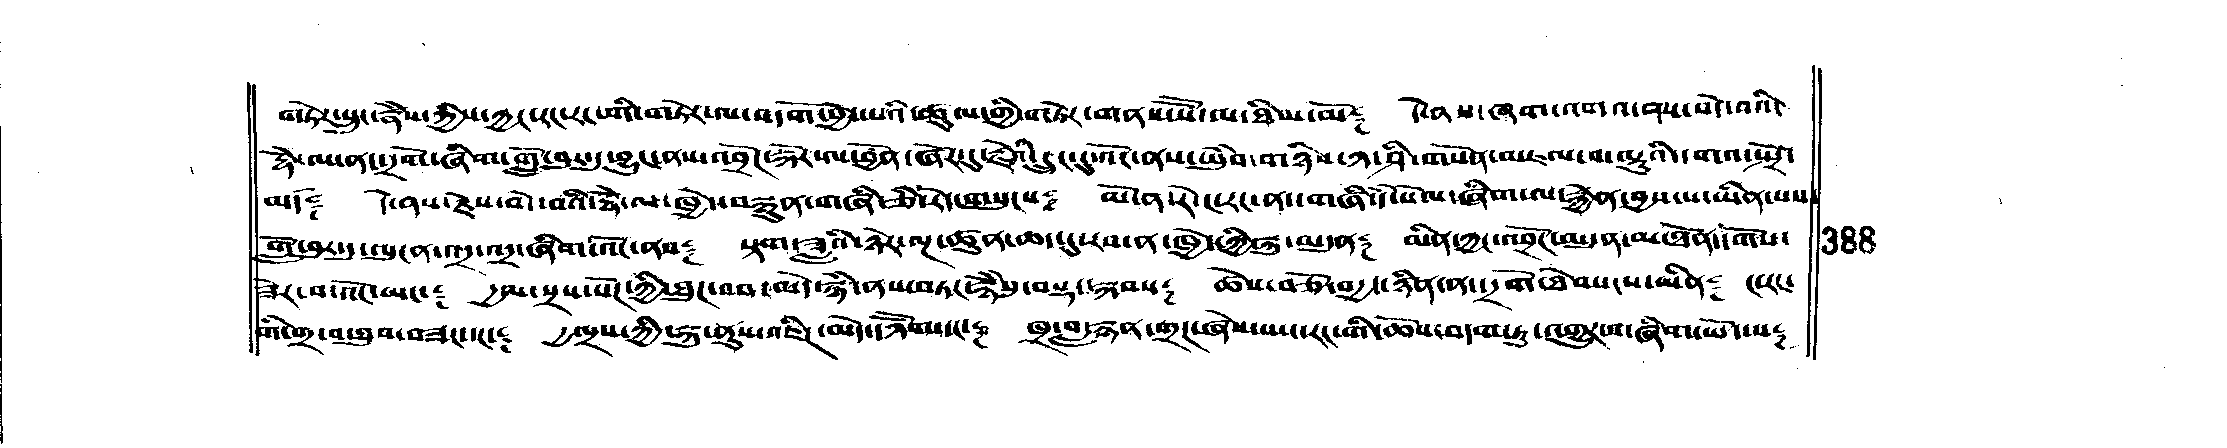གཏེར་སྲུང་རྣམས་ཀྱིས་ཀྱང་རང་རང་གི་གཏེར་གནས་སོ་སོ་ལ་ཐིམ་མོ། དེ་ནས་ཞག་འགའ་ནས་བདེ་བའི་
རྡོ་རྗེ་ལ་ནད་དྲག་པོ་ཞིག་གློ་བུར་དུ་བྱུང་ནས་འབྲོག་སྐོར་ལ་བྱོན་ཞོར་དུ་རྗེའི་དྲུང་དུ་འོང་ནས་ཡབ་ཡུམ་གཉིས་ཀ་ཤི་གསོན་མཇལ་བ་ལྟ་བུའི་དགའ་སྤྲོ་
མཛད། དེ་ནས་རྗེས་བདེ་བའི་རྡོ་རྗེ་ལ་ཁྱེད་བསྙུན་གཞི་ཅི་རེད་གསུངས། མོ་ན་རེ་ང་རང་ནད་གཞི་དམ་སེལ་ཞིག་ལ་རྐྱེན་བྱས་པ་ཡིན་པས་
གློ་བུར་དུ་ལུང་བསྟན་འདྲ་འདྲ་ཞིག་འོང་ནས། སྟག་ཟླའི་ཉེར་ལྔ་ཚུན་ཆད་དུ་རབ་ན་ཁྱེད་ཀྱི་སྐུ་མདུན། མིན་ཀྱང་འབྲོང་མདུན་མ་ཐོན་དགོས་
ཟེར་བ་འོང་ཡང་། རྒྱལ་སྲས་སོགས་ཀྱི་ཐུགས་བབ་མེད་སྙམ་ནས་བཏང་སྙོམས་སུ་བསྡད་སྐབས། ཚེས་བཅོ་བརྒྱད་ཉིན་ནད་དྲག་པོ་ཐེབས་པ་ཡིན། ང་རང་
གི་གྲྭ་པ་ཐུབ་བཟང་དང། རྒྱལ་སྲས་ཀྱི་སྐུ་ནུས་འཇིགས་མེད་དཀོན་མཆོག་དང་། ཁྲ་བླ་སྙན་གྲགས་ཞེས་པ་རང་གི་ཆོས་བདག་ཏུ་འགྱུར་བ་ཞིག་ཡོད་པ་